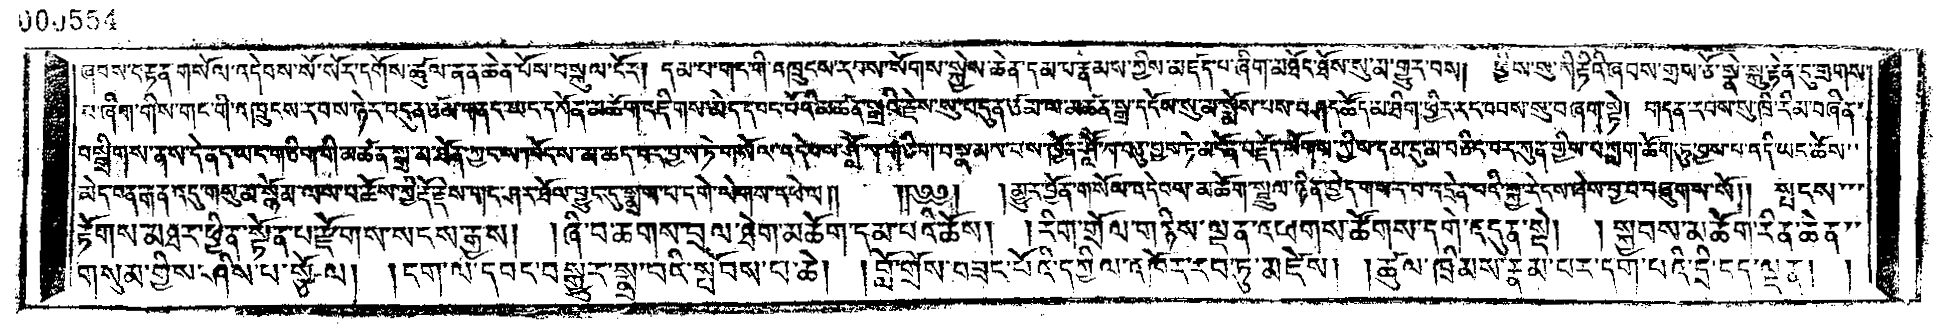ཞབས་བརྟན་གསོལ་འདེབས་སོ་སོར་དགོས་ཚུལ་ནན་ཆེན་པོས་བསྐུལ་ངོར། དམ་པ་གང་གི་འཁྲུངས་རབས་སོགས་སྐྱེས་ཆེན་དམ་པ་རྣམས་ཀྱིས་མཛད་པ་ཞིག་མཐོང་ཐོས་སུ་མ་གྱུར་བས། ཕྱིས་སུ་ཀི་རྟིའི་ཞབས་གྲས་ཅོ་སྣེ་སྐུ་རྟེན་དུ་གྲགས་
པ་ཞིག་གིས་གང་གི་འཁྲུངས་རབས་ཉེར་བདུན་ཙམ་གནང་ཡང་དཀོན་མཆོག་འཇིགས་མེད་དབང་པོའི་མཚན་སྒྲའི་རྗེས་སུ་བདུན་ཙམ་ལ་མཚན་སྒྲ་དངོས་སུ་མ་སྨོས་པས་བཤད་ཚོད་མ་ཐིག་ཕྱིར་རང་བབས་སུ་བཞག་སྟེ། གདན་རབས་སུ་ཁྲི་རིམ་བཞིན་
བསྒྲིགས་ནས་དེ་ནང་ཡང་གཅིག་གི་མཚན་སྒྲ་མ་ཐོན་ཀྱང་ས་ཁོངས་མ་ཆད་པར་བྱས་ཏེ་གསོལ་འདེབས་ཤླཽ་ཀ་གཅིག་བསྣམས་པས་ཁྱོན་ཤླཽ་ཀ་བཅུ་བྱས་ཏེ་མངོན་བརྗོད་སོགས་ཀྱིས་དམ་དུ་མ་བཅིང་བར་ཀུན་གྱིས་བཀླག་ཆོག་ཏུ་བྱས་པ་འདི་ཡང་ཆོས་
མེད་བན་རྒན་འདུ་གསུམ་སྙོམ་ལས་པ་ཆོས་ཀྱི་རྡོ་རྗེས་གང་ཤར་ཐོལ་བྱུང་དུ་སྨྲས་པ་དགེ་ལེགས་འཕེལ།། །།༄༅། །མྱུར་བྱོན་གསོལ་འདེབས་མཆོག་སྤྲུལ་ཉིན་བྱེད་གསར་བ་འདྲེན་པའི་སྐྱ་རེངས་ཞེས་བྱ་བ་བཞུགས་སོ།། སྤངས་
རྟོགས་མཐར་ཕྱིན་སྟོན་པ་རྫོགས་སངས་རྒྱས། །ཞི་བ་ཆགས་བྲལ་ཐེག་མཆོག་དམ་པའི་ཆོས། །རིག་གྲོལ་གཉིས་ལྡན་འཕགས་ཚོགས་དགེ་འདུན་སྡེ། །སྐྱབས་མཆོག་རིན་ཆེན་
གསུམ་གྱིས་ཤིས་པ་སྩོལ། །ངག་ལ་དབང་བསྒྱུར་སྨྲ་བའི་སྤོབས་པ་ཆེ། །བློ་གྲོས་བཟང་པོའི་དཀྱིལ་འཁོར་རབ་ཏུ་མཛེས། །ཚུལ་ཁྲིམས་རྣམ་པར་དག་པའི་དྲི་ངད་ལྡན། །